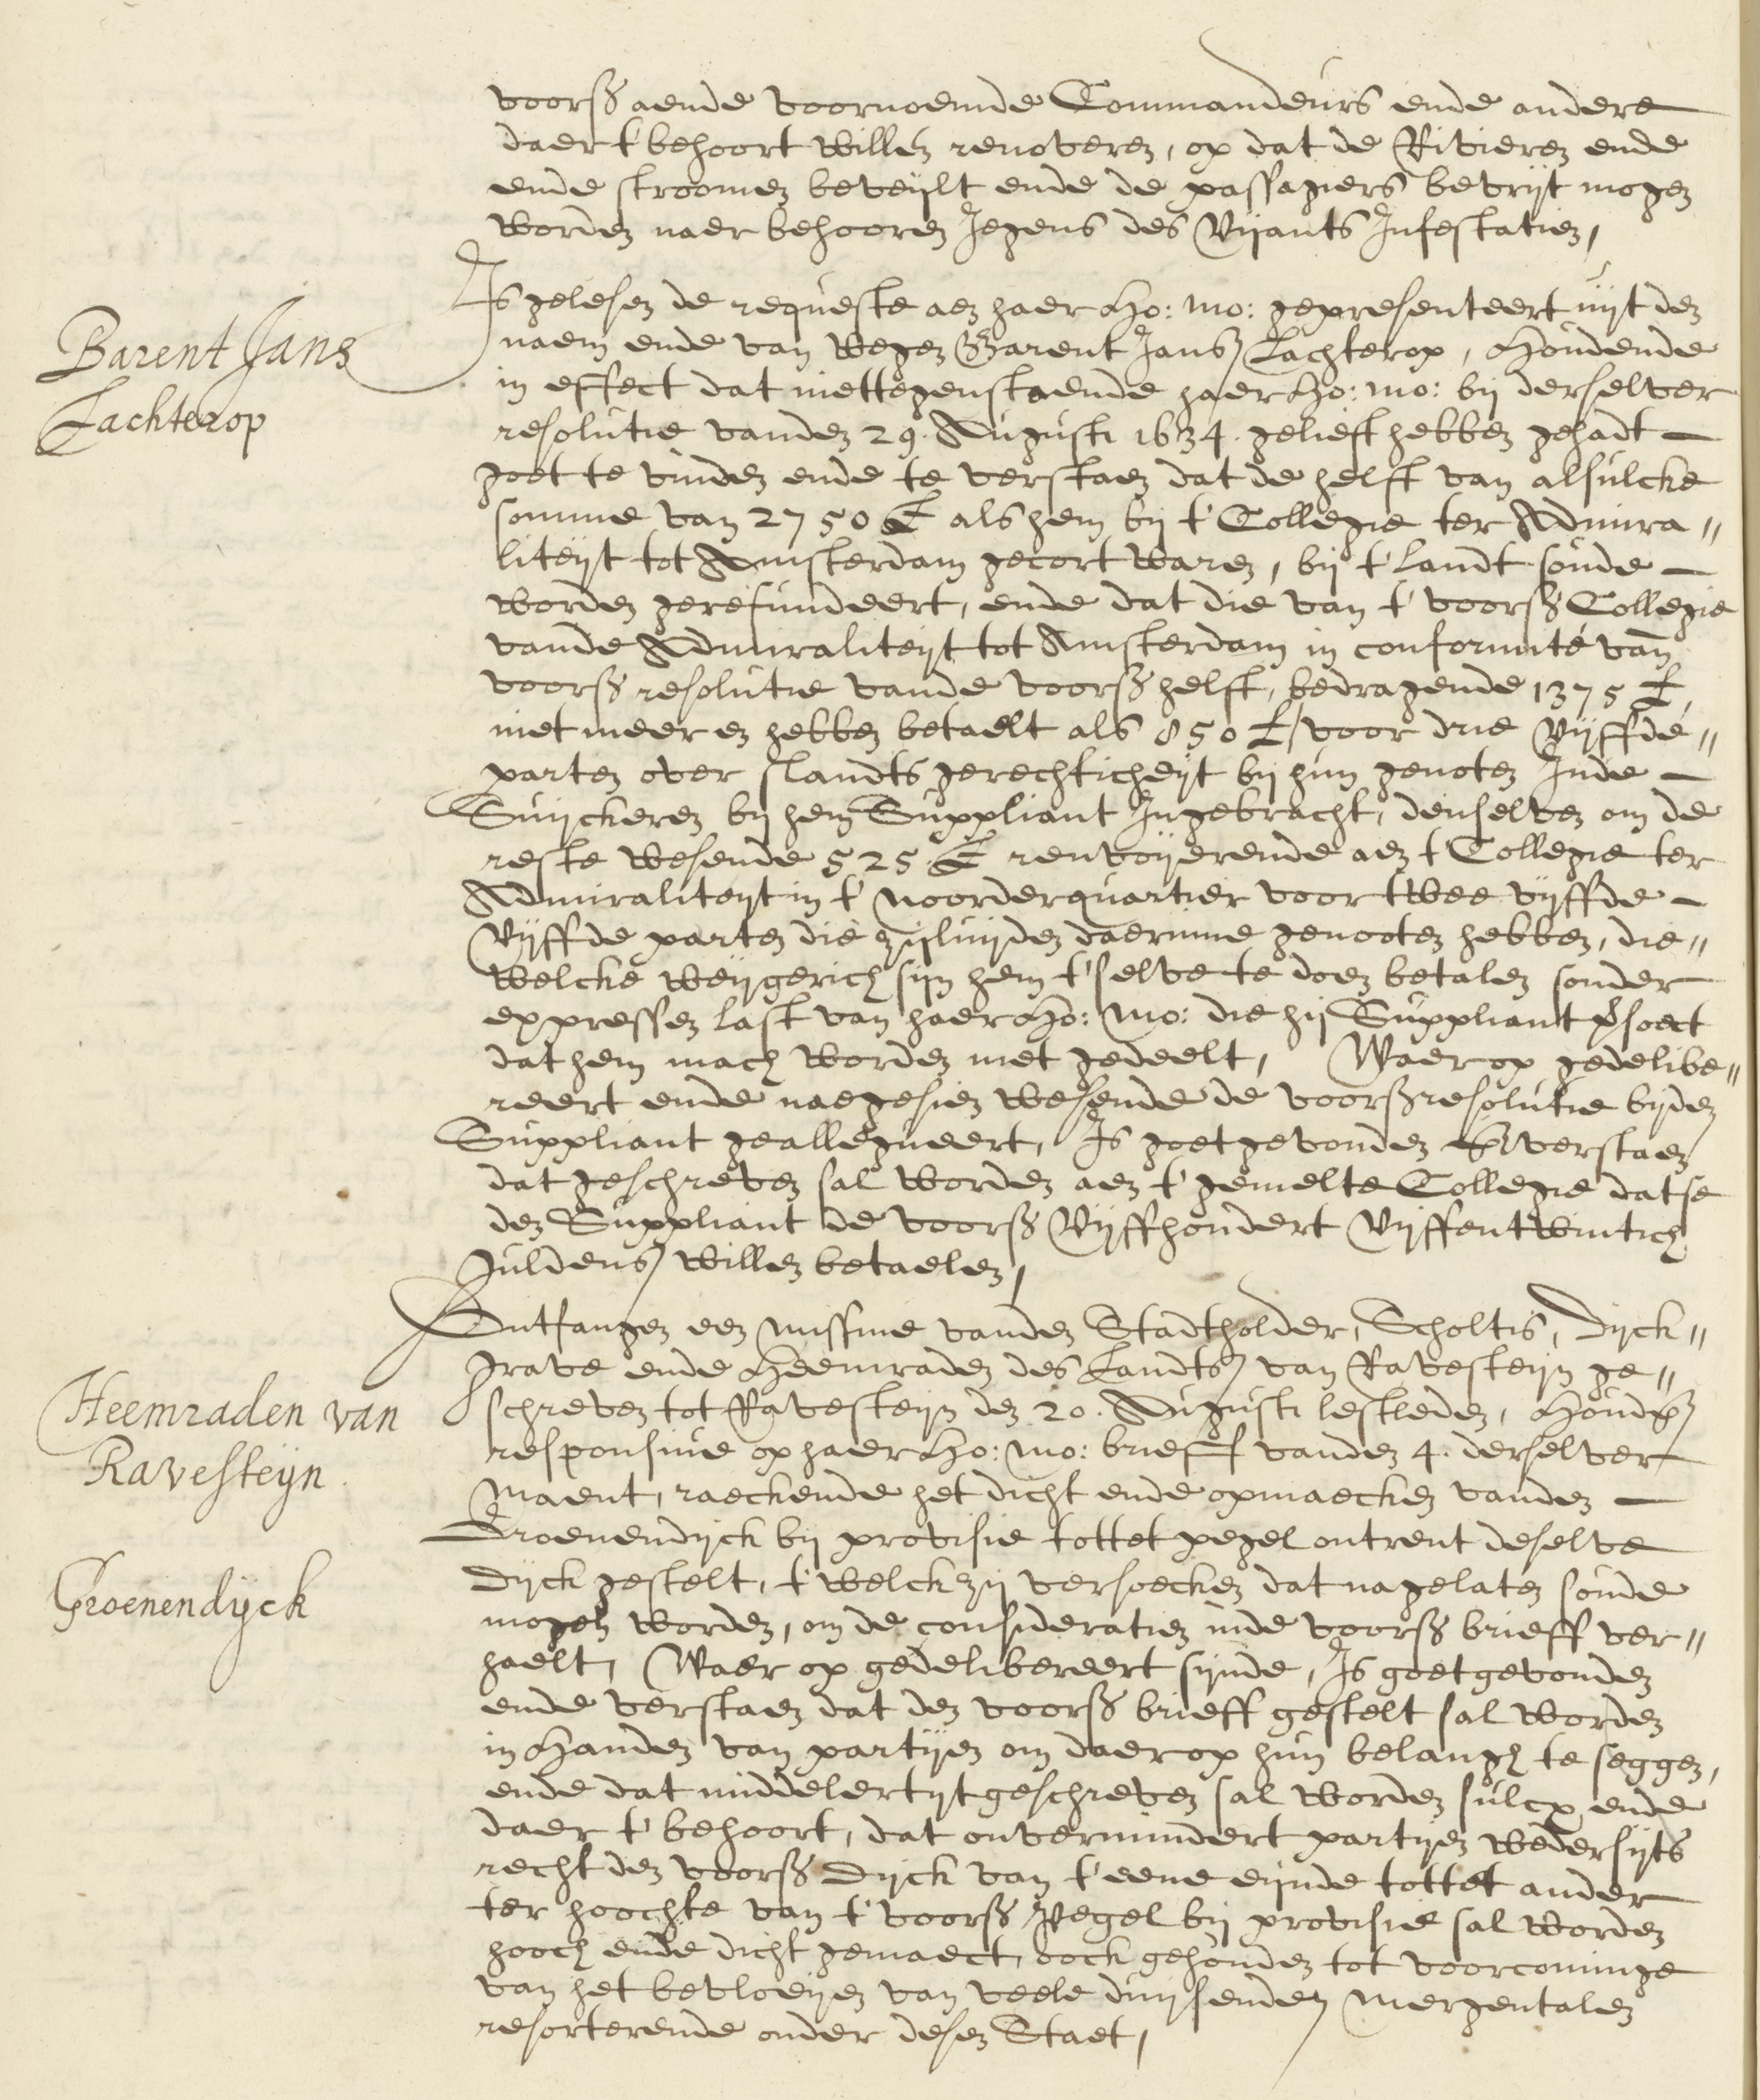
voorsz aende voornoemde Commandeurs ende andere
daer t' behoort willen renoveren, op dat de Rivieren ende
ende stroomen beveijlt ende die passagiers bevrijt mogen
worden naer behooren Jegens des vijants Infestatien.
Barent Jans
Lachterop
Is gelesen de requeste aen haer Ho:Mo: gepresenteert uijt den
naem ende van Wegen Barent Jansz Lagterop, houdende
in effect dat niettegenstaende haer Ho:Mo: bij derselver
resolutie vanden 29 Augusti 1634 gelieft hebben gehad —
goet te vinden ende te verstaen dat de helft van alsulcke
somme van 2750 L als hem bij t'Collegie ter Admira„
liteijt tot Amsterdam gecort waren, bij t'landt soude —
worden gerefundeert, ende dat die van t'voorsz Collegie
vande Admiraliteijt tot Amsterdam in conformité van
voorsz resolutie vande voorsz helft, bedragende 1375 L,
niet meer en hebben betaelt als 850 L, voor drie vijffde„
parten over slandts gerechticheijt bij hun genoten Inde —
Suijckeren bij hem Suppliant Ingebracht, denselven om de
reste wesende 525 L renvoijerende aen t'Collegie ter
Admiraliteijt in t' Noorderquartier voor twee vijffde -
vijffde parten die zijluijden daerinne genooten hebben, die„
welcke weijgerich sijn hem t'selve te doen betalen sonder
expressen last van haer Ho:Mo: die hij Suppliant vsoect
dat hem mach worden met gedeelt. Waerop gedelibe„
reert ende naegesien wesende de voorsz resolutie bijden
Suppliant geallegueert, Is goetgevonden & verstaen
dat geschreven sal worden aen t'gemelte Collegie datse
den Suppliant de voorsz vijffhondert vijffentwintich
guldens willen betaelen.
Heemraden van
Ravesteijn
Groenendijck
Ontfangen een missive vanden Stadtholder, Scholtis, Dijck„
grave ende heemraden des Landts van Ravesteijn ge„
schreven tot Ravesteijn den 20. Augusti lestleden, houden
responsive op haer Ho:Mo: brieff vanden 4. derselver
maent, raeckende het dicht ende opmaecken vanden —
Groenendijck bij provisie tottet pegel ontrent deselve
dijck gestelt, t'welck zij versoecken dat nagelaten soude
mogen worden, om de consideratien inde voorsz brieff ver„
haelt, Waer op gedelibereert sijnde, Is goetgevonden
ende verstaen dat den voorsz brieff gestelt sal worden
in handen van partijen om daer op hun belangen te seggen,
ende dat middelertijt geschreven sal worden sulcx ende
daer t'behoort, dat onvermindert partijen wedersijts
recht den voorsz Dijck van t'eene eijnde tottet ander
ter hoochte van t'voorsz Pegel bij provisie sal worden
hooch ende dicht gemaect, oock gehouden tot voorcominge
van het bevloeijen van veele duijsenden mergentalen
resorterende onder desen Staet.
